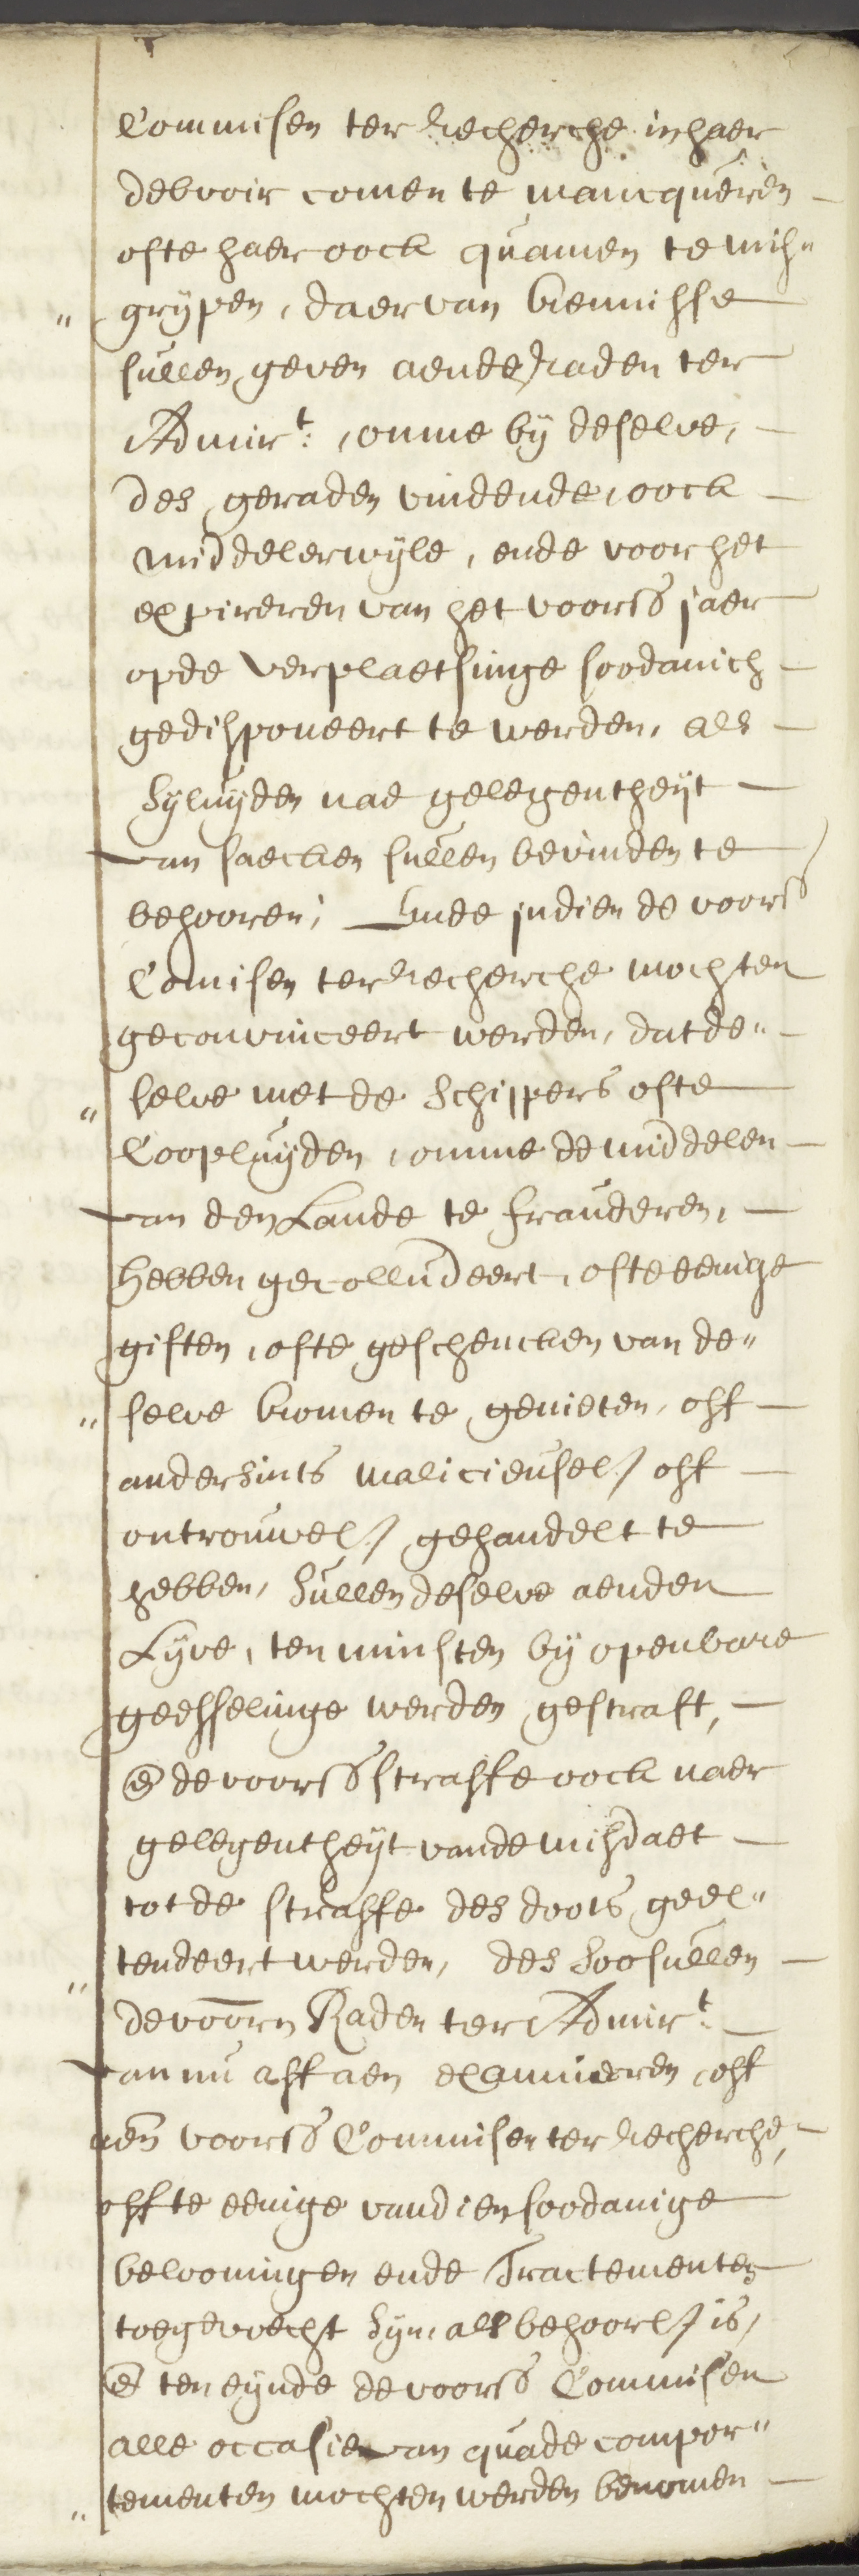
Commisen ter recherche in haer
debvoir comen te mancqueren
ofte haer oock quamen te mis„
„grijpen, daervan kennisse
sullen geven aende raden ter
Admirt:, omme bij deselve,
des geraden vindende, oock
middelerwijle, ende voor het
expireren van het voors jaer
opde verplaetsinge soodanich
gedisponeert te werden, als
sijluijden nae gelegentheijt
van saecken sullen bevinden te
behooren; Ende indien de voors
Comisen ter recherche mochten
geconvinceert werden, dat de„ -
„selve met de Schippers ofte
Coopluijden, omme de middelen
van den Lande te Frauderen,
hebben gecolludeert, ofte eenige
giften, ofte geschencken van de„
„selve komen te genieten, off —
andersints malicieusel off —
ontrouwel gehandelt te
hebben, Sullen deselve aenden
Lijve, ten minsten bij openbare
geesselinge werden gestraft,
& de voors straffe oock naer
gelegentheijt vande misdaet
tot de straffe des doots geex„
„tendeert werden, des soo sullen
de voorn Raden ter Admirt:
van nu aff aen examineren, off
aen voors Commisen ter recherche,
offte eenige vandien soodanige
belooningen ende Tracementen
toegevoecht sijn, als behoorl is,
& ten eijnde de voors Commisen
alle occasie van quade compor„
„tementen mochten werden benomen —
